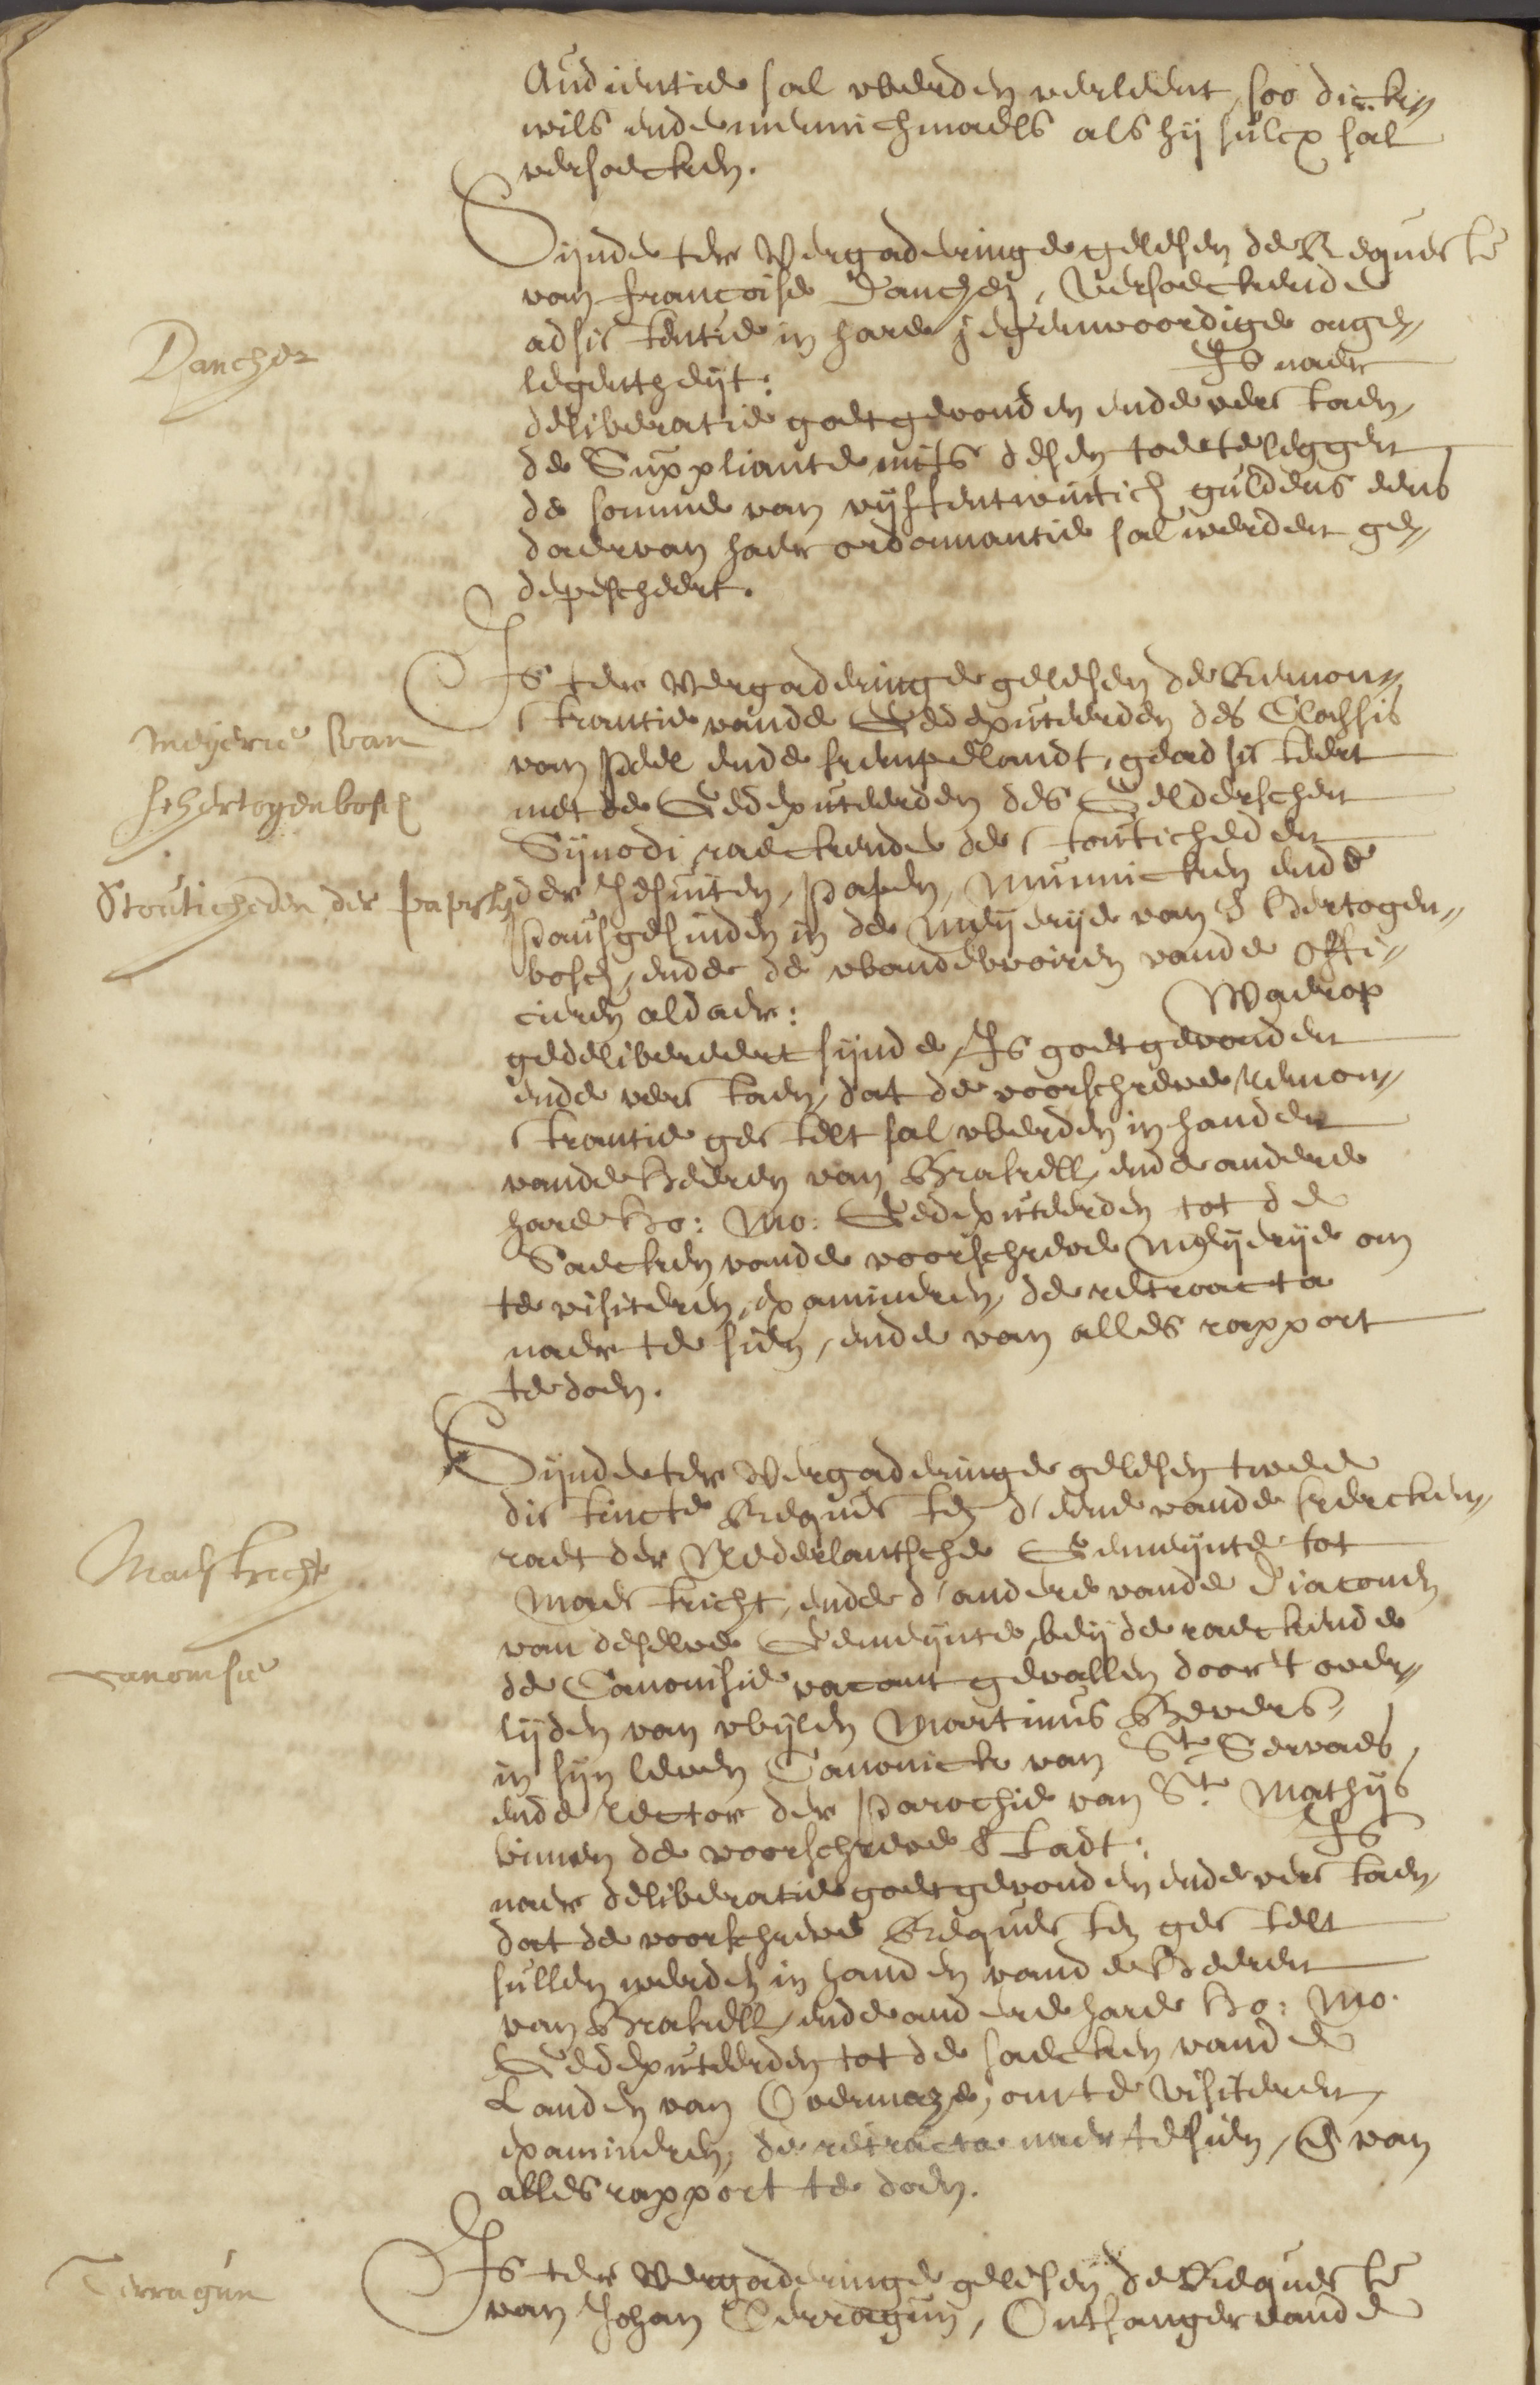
Audientie sal werden verleent, soo dick„
wils ende mennichmaels als hij sulcx sal
versoecken.
Dancher
Sijnde ter Vergaderinge gelesen de Requeste
van francoise Danchen, versoeckende
adsistentie in hare jegenwoordige onge„
legentheijt: Is naer
deliberatie goetgevonden ende verstaen,
de Suppliante mits desen toe te leggen
de somme van vijffentwintich guldens eens
daervan haer ordonnantie sal werden ge,
depescheert.
meijere van
s‛hertogenbosch
Stouticheden der papisten
Is ter Vergaderinge gelesen de Remon„
strantie vande Gedeputeerden des Classis
van Peel ende kempelandt, geadsisteert
met de Gedeputeerden des Gelderschen
Sijnodi, raeckende de stouticheden
der Jesuiten, Papen, Munnicken ende
Pausgesinden in de meijerije van ‛s Hertogen„
bosch, ende de wandebvoiren vande offe„
cieren aldaer: Waerop
gedelibereert sijnde, Is goetgevonden
ende verstaen, dat de voorschreve remon„
strantie gestelt sal werden in handen
vande Heeren van Brakell, ende andere
hare Ho:Mo: Gedeputeerden tot de
Saecken vande voorschreve Meijerije om
te visiteren, examineren, de retroacta
naer te sien, ende van alles rapport
te doen.
Maestricht
canonisie
Sijnde ter Vergaderinge gelesen twee
distincte Requesten d‛eene vande kercken„
raet der Nederlantsche Gemeijnte tot
maestricht, ende d'andere vande Diaconen
van deselve Gemeijnte, beijde raeckende
de Canonisie vacant gevallen door 't over„
lijden van wijlen Martinus Bevers,
in sijn leven Canonick van St. Servaes
ende rector der Parochie van St. Mathijs
binnen de voorschreve Stadt: Is
naer deliberatie goetgevonden ende verstaen,
dat de voorschreve Requesten gestelt
sullen werden in handen vande Heeren
van Brakell, ende andere hare Ho:Mo:
Gedeputeerden tot de saecken vande
Landen van Overmaze, om te visiteren,
examineren, de retracta naer tesien, & van
alles rapport te doen.
Terragun
Is ter Vergaderinge gelesen de Requeste
van Johan Terragun, Ontfanger vande
